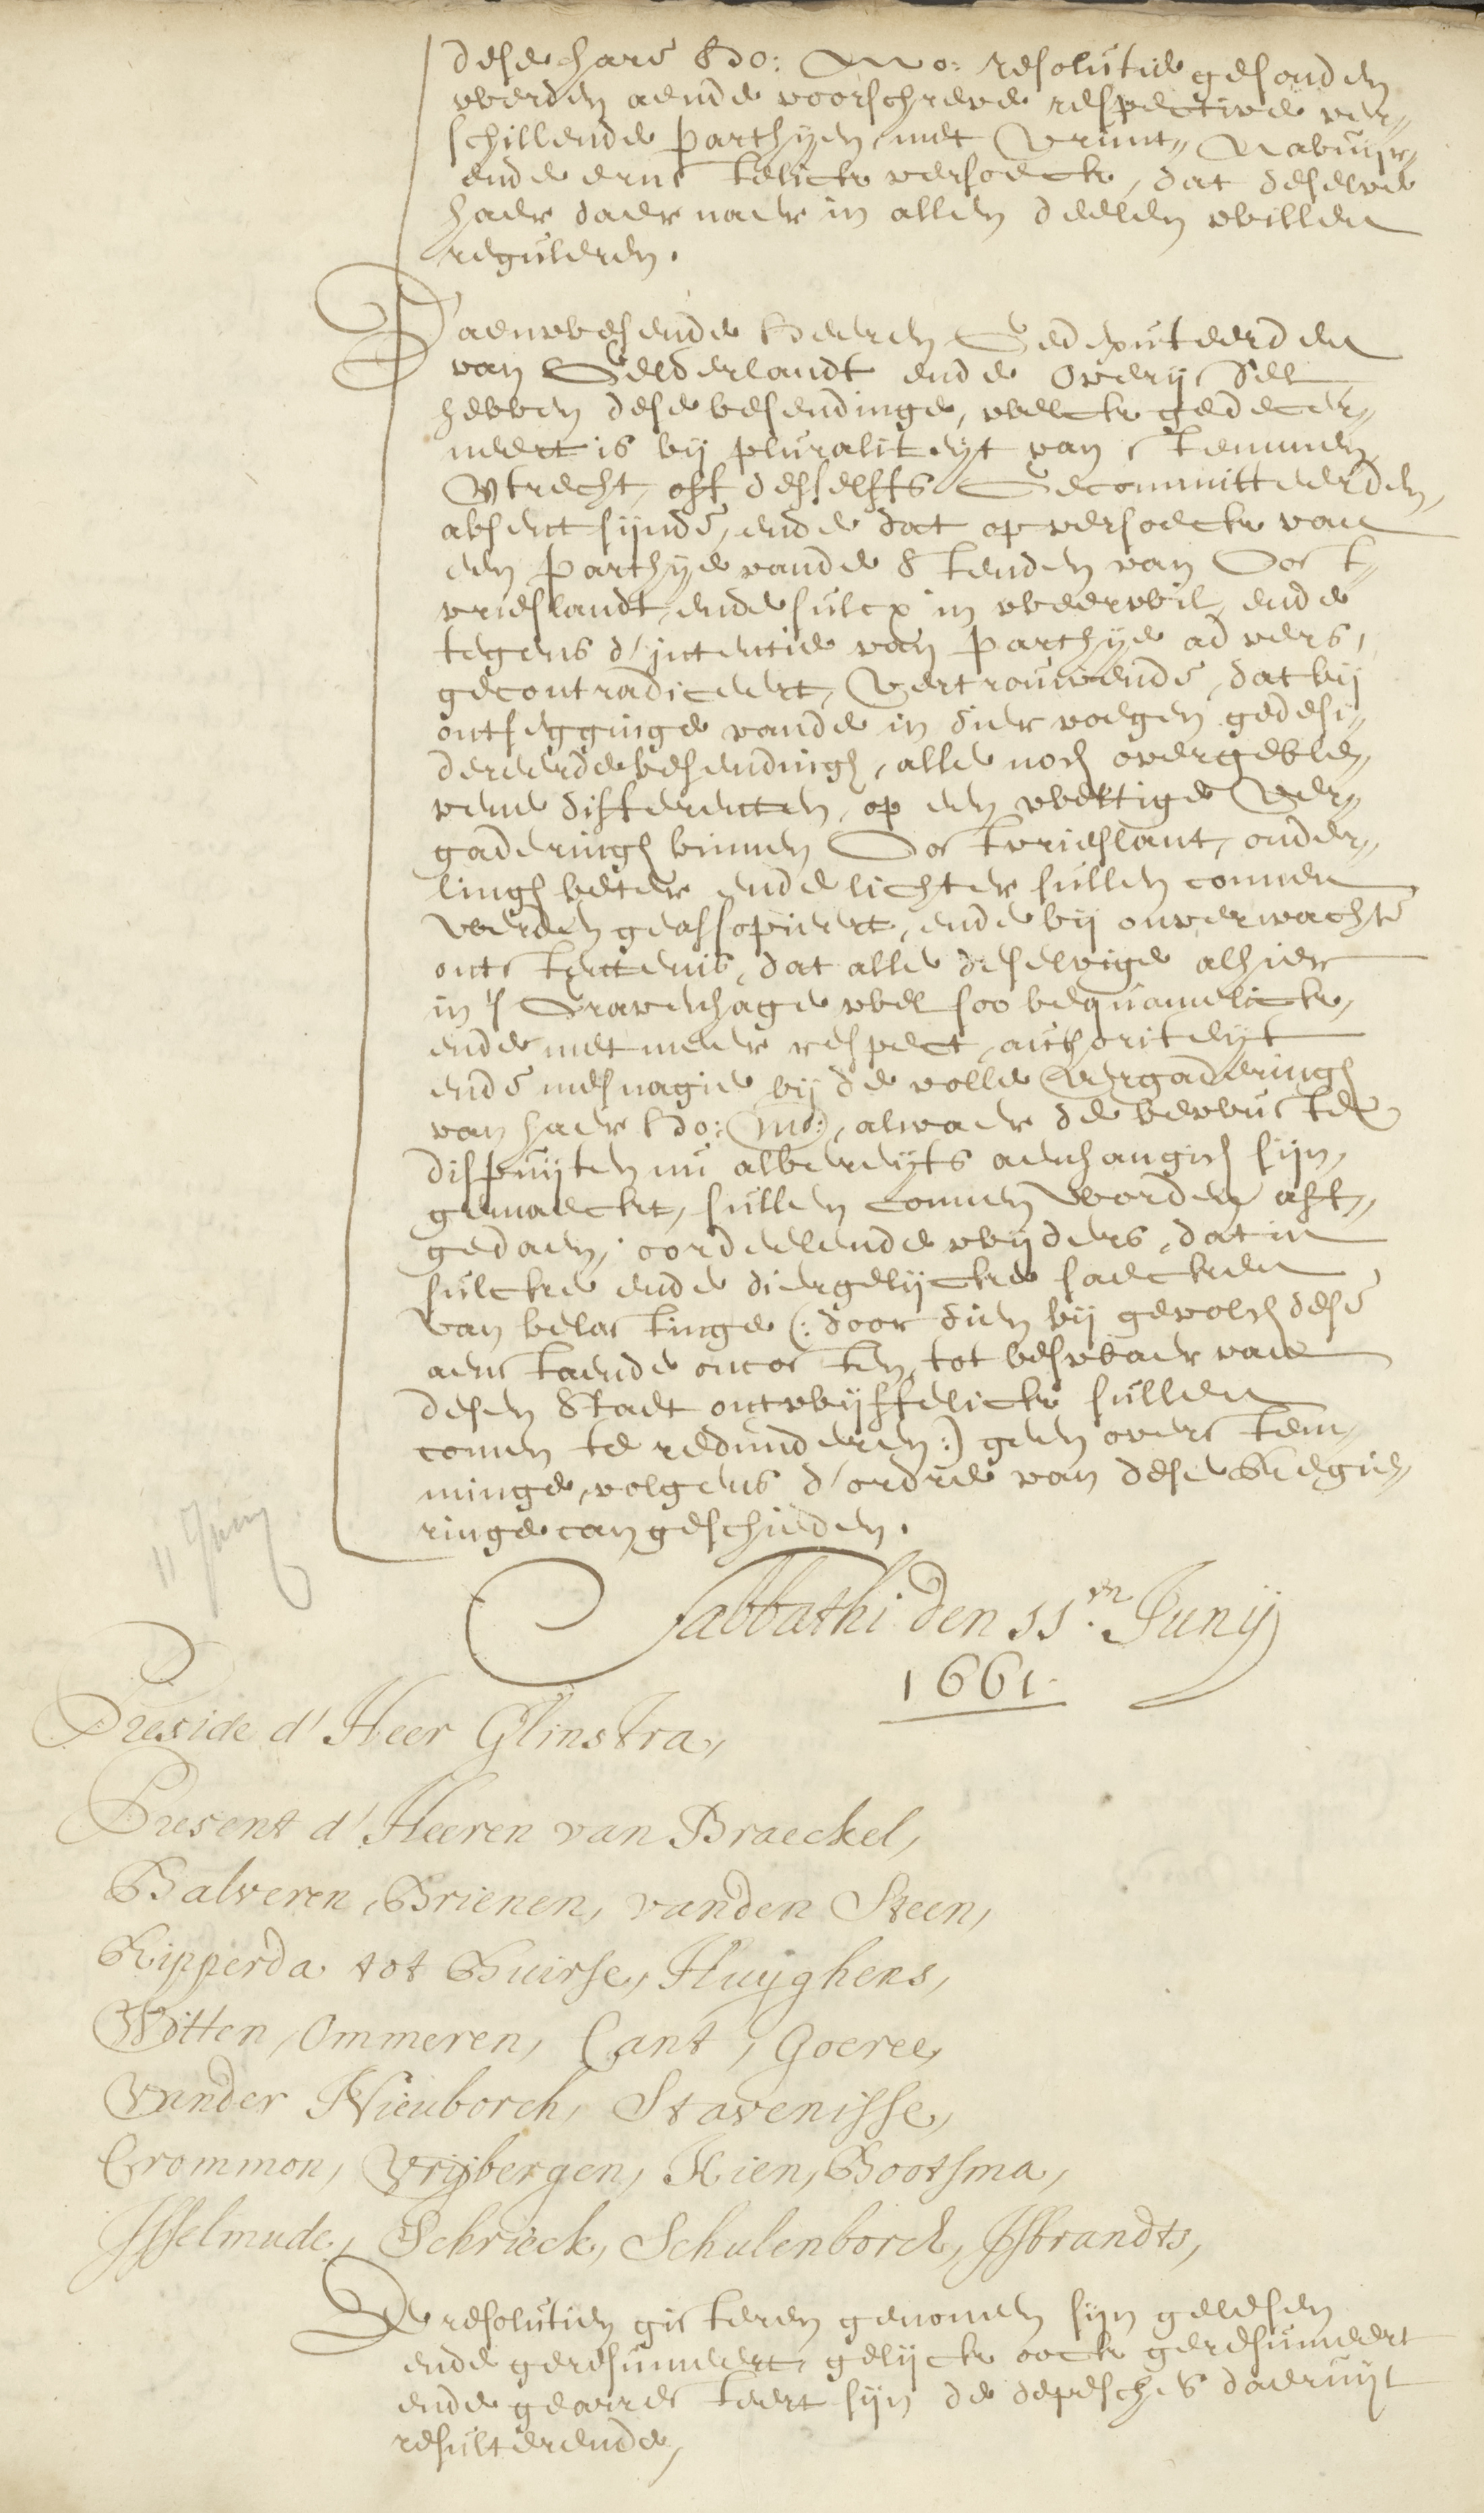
dese hare Ho:Mo: resolutie gesonden
werden aende voorschreve respective ver„
schillende parthijen, met vrunt,, nabuijr„
ende ernstelick versoeck, dat deselve
haer daer naer in allen deelen willen
reguleren.
D'aenwesende Heeren Gedeputeerden
van Gelderlandt ende Overijssel
hebben dese besendinge, welck gedecer„
neert is bij pluraliteijt van stemmen.
Utrecht, off desselffs Gecommitteerden,
absent sijnde, ende dat op versoeck van
een parthije vande Stenden van Oost„
vrieslandt, ende sulcx in weerwil, ende
tegens d'intentie van parthije advers,
gecontradiceert, vertrouwende, dat bij
ontsegginge vande in dier voegen gedesi„
dereerde besendingh, alle noch overgeble„
vene differenten, op een wettige ver,,
gaderingh binnen Oostvrieslant, onder„
lingh beter ende lichter sullen connen
werden geassopieert ende bij onverwachte
ontstentenis, dat alle deselvige alhier
in 's Gravenhage wel soo bequamelick,
ende met meer respect, authoriteijt
ende mesnagie bij de volle vergaderingh
van haer Ho:Mo:, alwaer de bewuste
dispuijten nu albereijts aenhangich sijn,
gemaeckt, sullen connen worden aff„
gedaen, oordeelende wijders, dat in
sulcke ende diergelijcke saecken
van belastinge (: door dien bij gevolch dese
aenstaende oncosten, tot beswaer van
desen Staet ontwijffelick sullen
comen te redunderen :) geen overstem,,
minge, volgens d‛ordre van dese Regie„
ringe can geschieden.
11 Junij
Sabbathi den 11en Junij
1661
Preside d‛ Heer Glinstra,
Present d' Heeren van Braeckel,
Balveren, Brienen, van den Steen,
Ripperda tot Buirse, Huijghens,
Witten, Ommeren, Cant, Goeree,
vander Nieuborch, Stavenisse,
Crommon, Vrijbergen, Kien, Bootsma,
Isselmude, Schrieck, Schulenborch, Isbrandts.
D'resolutien gisteren genomen sijn gelesen
ende geresumeert, gelijck oock geresumeert
ende gearresteert sijn de depesches daeruijt
resulterende.
